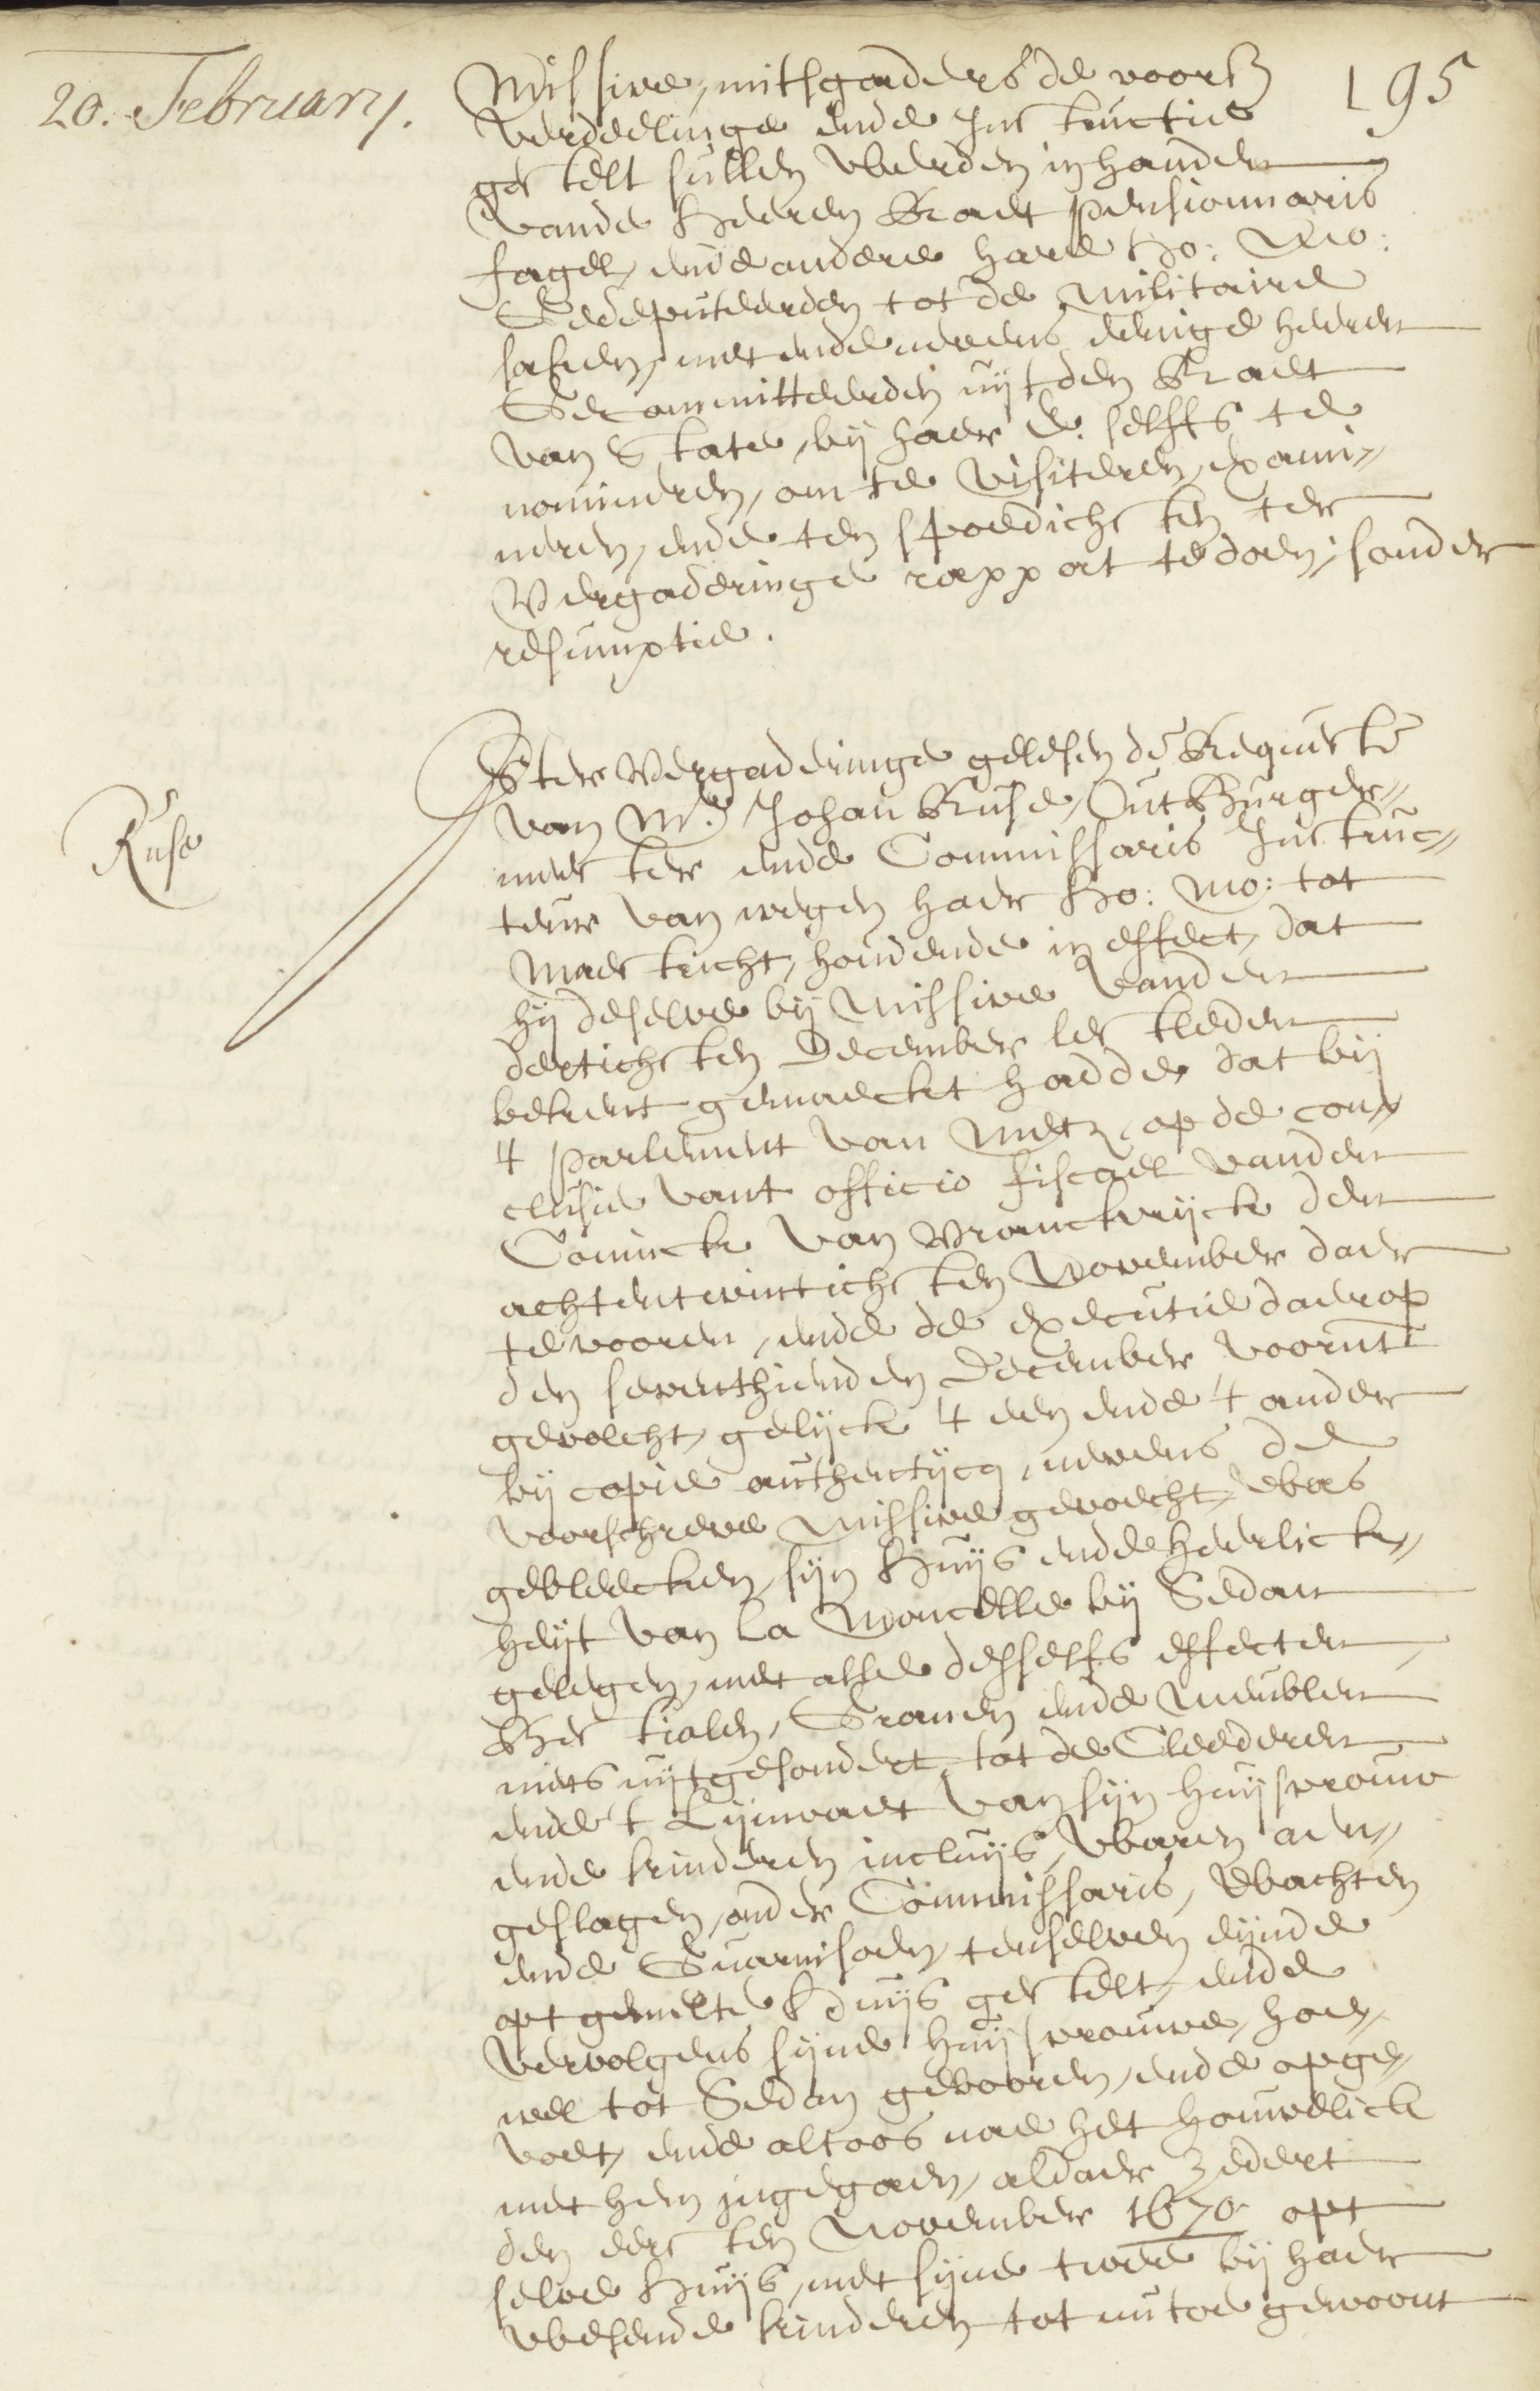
195
20. February.
Missive, mitsgaders de voors
verdeelinge ende Instructie
gestelt sullen werden in handen
vande Heeren Raet Pensionnaris
Fagel, ende andere hare Ho:Mo:
Gedeputeerden tot de militaire
saken, met ende nevens eenige heeren
Gecommitteerden uijt den Raet
van State, bij haer E. selffs te
nomineren, om te visiteren, exami„
neren, ende ten spoedichsten ter
Vergaderinge rapport te doen; sonder
resumptie.
Ruse
Is ter Vergaderinge gelesen de Requeste
van Mr. Johan Ruse, OutBurger„
meester ende Commissaris Instruc„
teur van wegen haer Ho:Mo: tot
Maestricht, houdende in effect, dat
hij deselve bij missive vanden
dertichsten December lestleden
bekent gemaeckt hadde dat bij
't Parlement van Metz, op de con„
clusie vant officio fiscael vanden
Coninck van Vranckrijck den
achtentwintichsten November daer
te vooren, ende de executie daerop
den seventhienden December voornt
gevolcht, gelijck 't een ende 't ander
bij copie authentijcq, nevens de
voorschreve missive gevoecht, was
gebleecken, sijn Huijs ende heerlick„
heijt van la Moncelle bij Sedan
gelegen, met alle desselfs effecten
Bestialen, Granen ende Meublen
niets uijtgesondert, tot de Cleederen
ende 't Lijnwaet van sijn huijsvrouw
ende kinderen incluijs, waren aen„
geslagen, onder Commissaris, Wachten
ende Guarnisoen, tenselven eijnde
opt gemelte Huijs gestelt, ende
vervolgens sijne huijsvrouwe, hoe„
wel tot Sedan gebooren, ende opge„
voet, ende altoos nae het houwelick
met hem ingegaen, aldaer zedert
den eersten November 1670. opt
selve Huijs, met sijne twee bij haer
wesende kinderen tot nutoe gewoont
